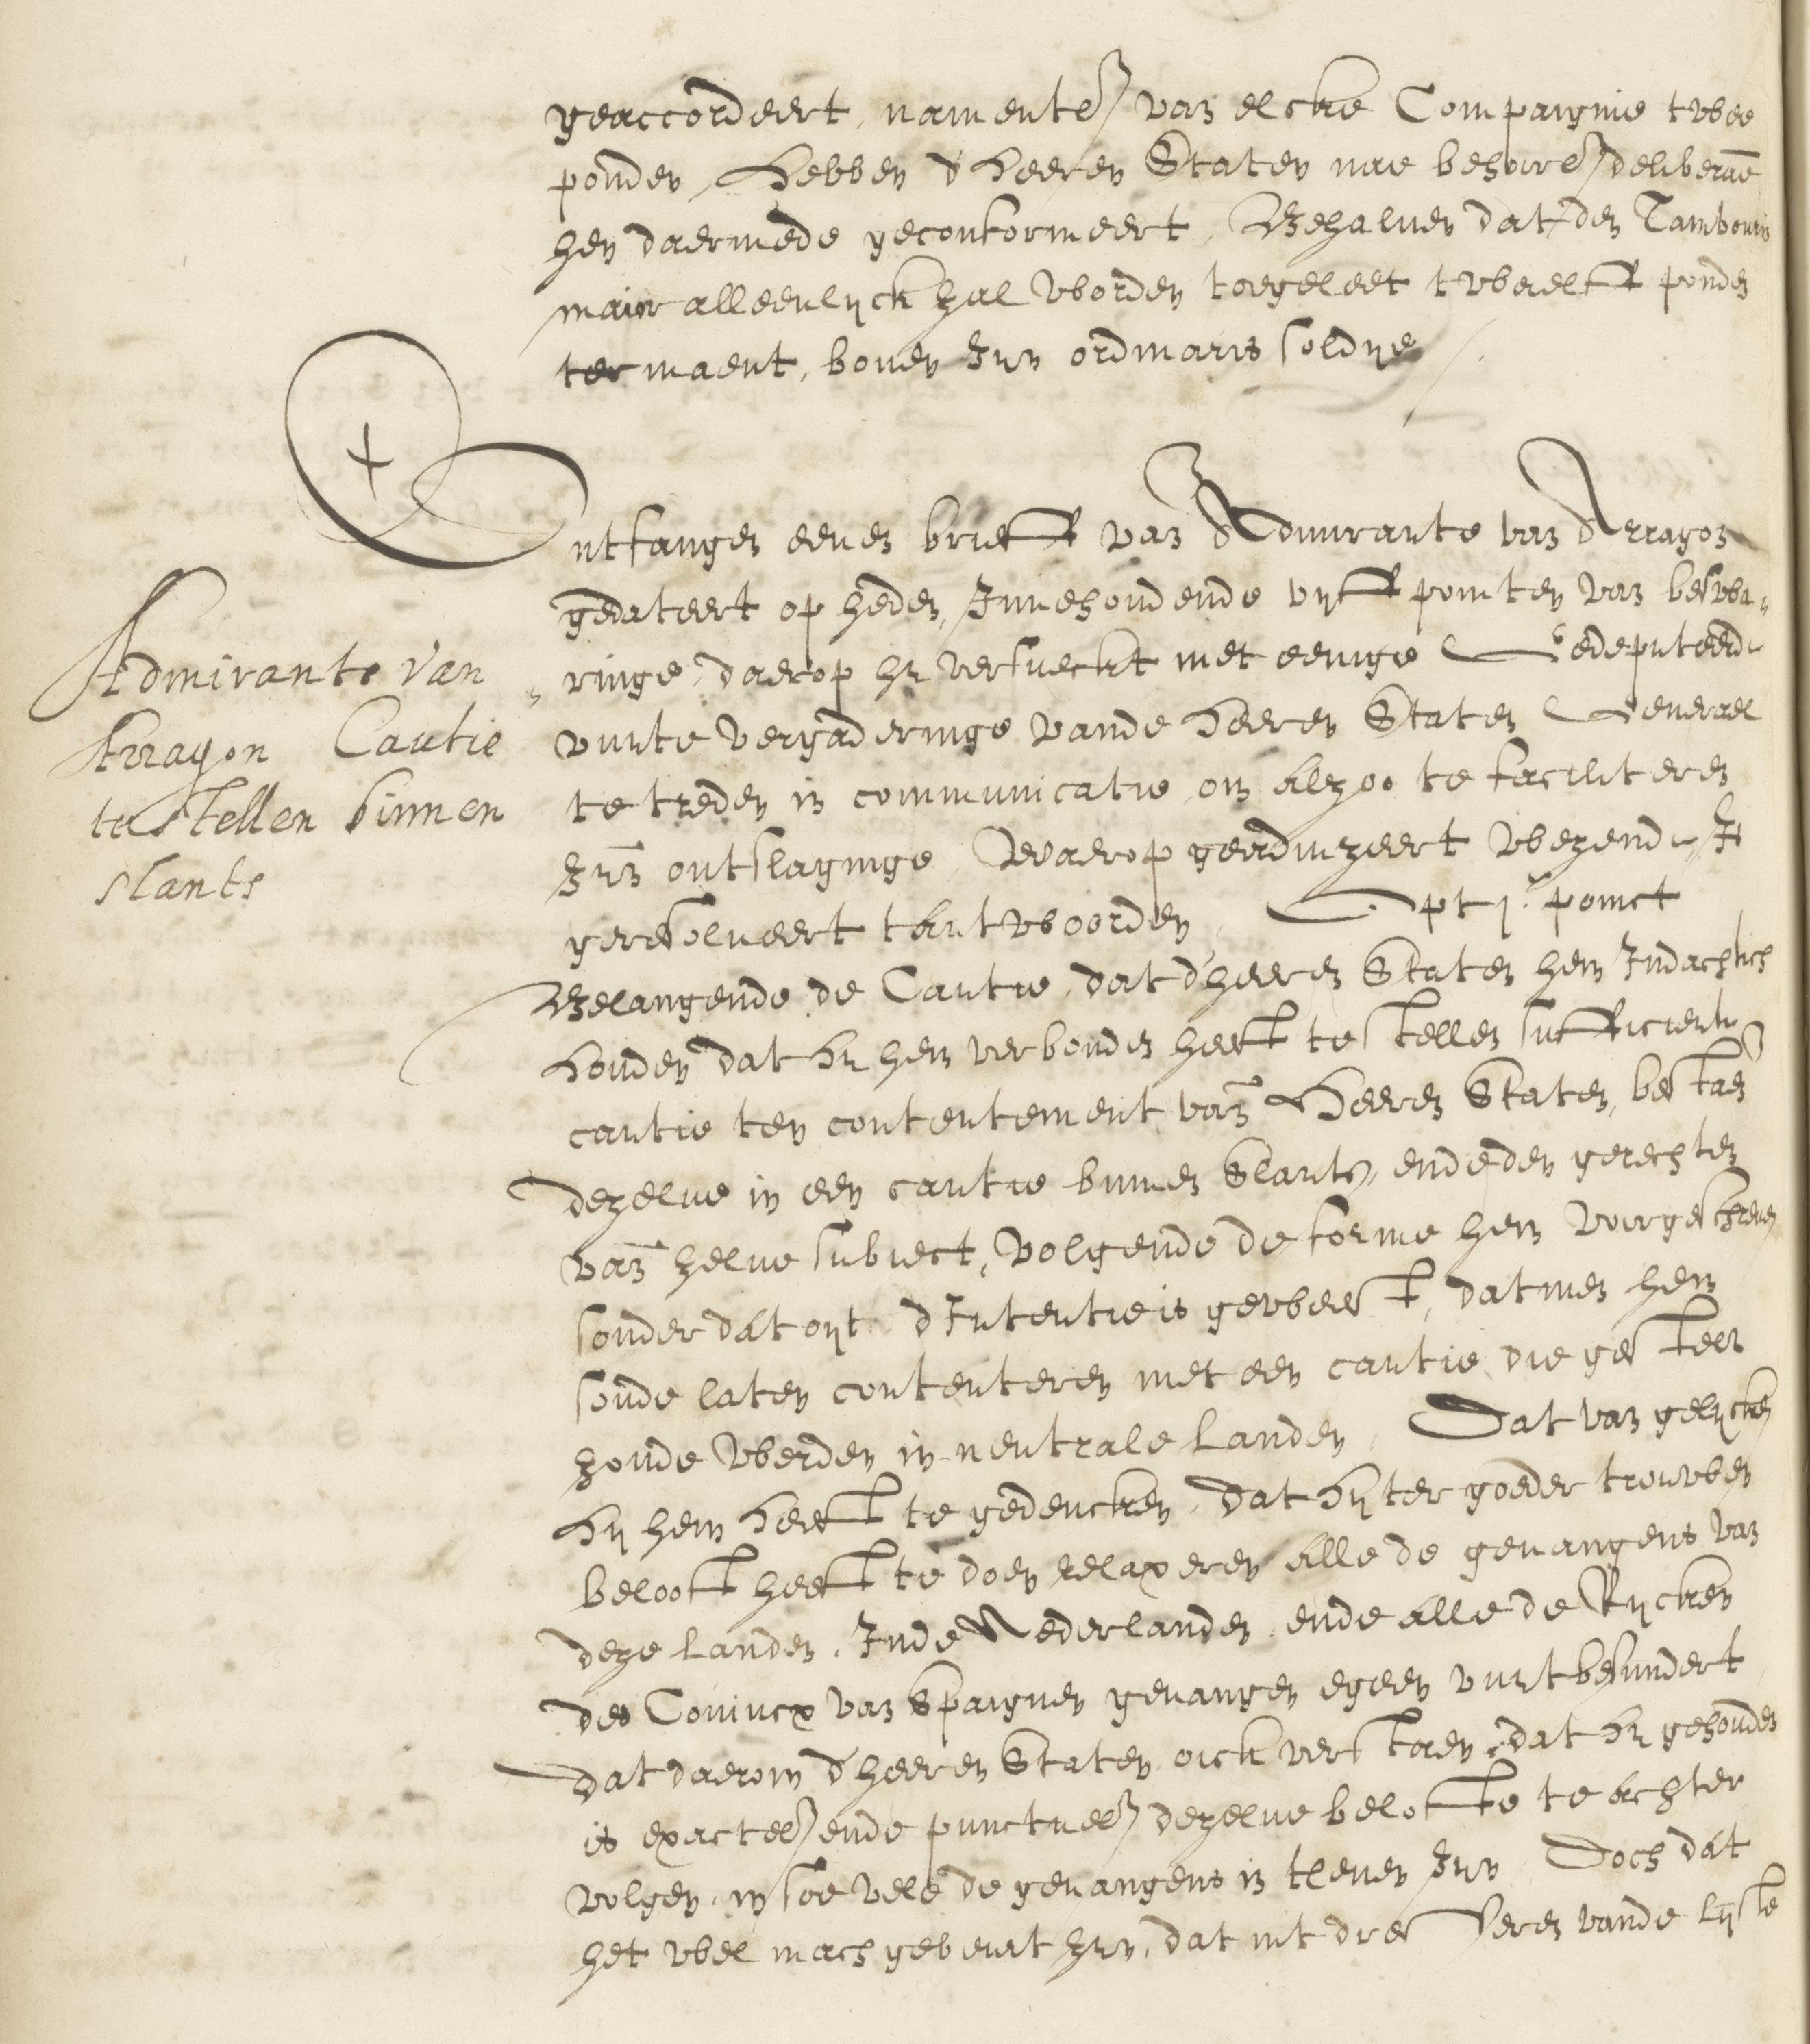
geaccordeert, namentl van elcke Compaignie twee
ponden, hebben d'Heeren Staten nae behoirl deliberae
hen daermede geconformeert, Behaluen dat den Tambourin
maior alleenlyck zal worden toegeleet twaelff ponden
ter maent, bouen syn ordinaris soldye.
Admirante van
Arragon Cautie
te stellen binnen
slants
Ontfangen eenen brieff van Admirante van Arragon
gedateert op heden, Innehoudende vyff pointen van beswa,,
ringe, daerop hy versueckt met eenige Gedeputeerde
vuyte vergaderinge vande Heeren Staten Generael
te treden in communicatie, om alzoo te faciliteren
zyn ontslaginge. Waerop geadvizeert wezende, Is
geresolueert tantwoorden Opt je. poinct
Belangende de Cautie, dat d'heeren Staten hem Indachtich
houden dat hy hem verbonden heeft te stellen sufficiente
cautie ten contentement van Heeren Staten, bestaen
dezelve in een cautie binnen slants, ende den gerechten
van zelve subiect, volgende de forme hem voorgeschreven
sonder dat oyt dIntentie is geweest, datmen hem
soude laten contenteren met een cautie die gestelt
zoude werden in neutrale landen. Dat van gelycken
hy hem heeft te gedencken, dat hy ter goeder trouwen
belooft heeft te doen relaxeren alle de geuangens van
deze landen, Inde Nederlanden, ende alle de Rycken
des Conincx van Spaignen geuangen egeen vuytbesundert
dat daerom d'heeren Staten oick verstaen, dat hy gehouden
is exactel ende punctuel dezelve belofte te achter
volgen, in soe vele de gevangens in tleuen zyn doch dat
het wel mach gebeurt zyn, dat int dresseren vande lyste
